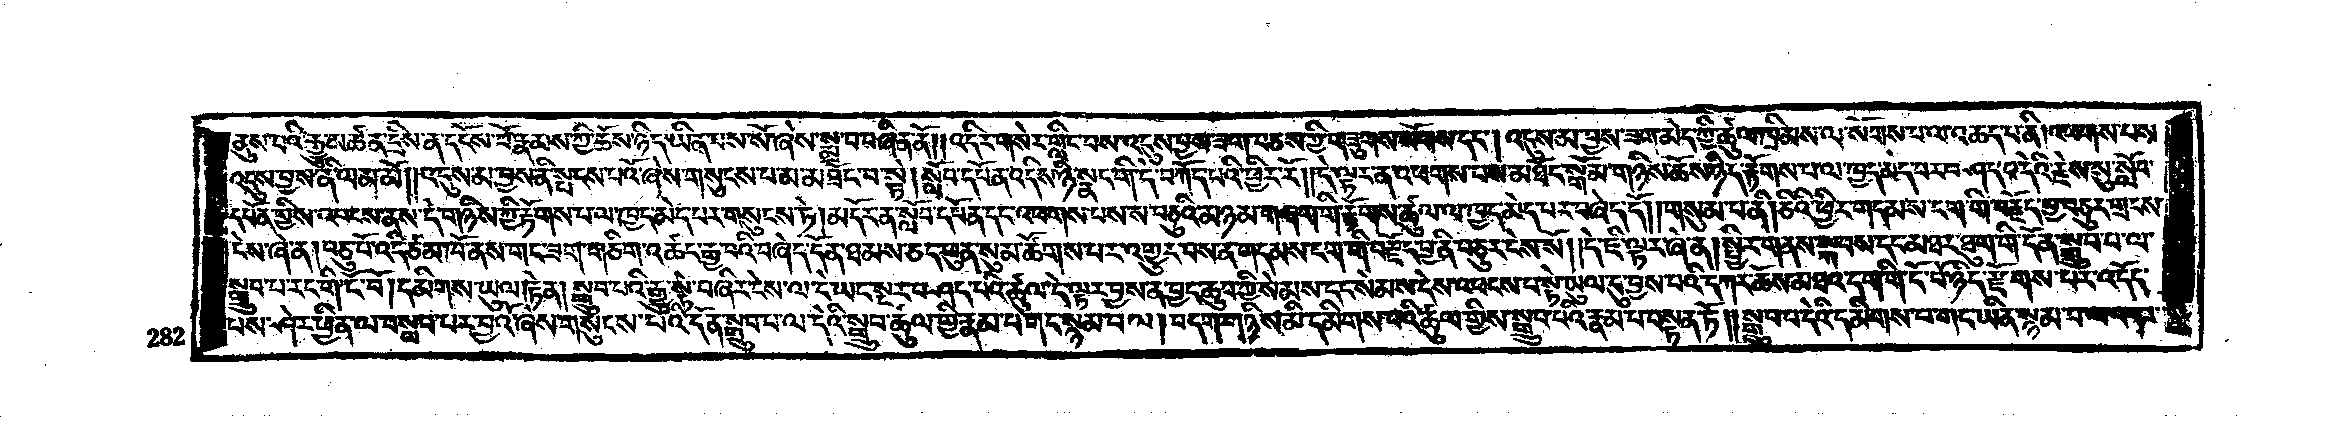ནུས་པའི་རྒྱུ་མཚན་དྲིས་ན་དངོས་པོ་རྣམས་ཀྱི་ཆོས་ཉིད་ཡིན་པས་སོ་ཞེས་སྨྲ་བ་བཞིན་ནོ། །འདིར་གསེར་གླིང་པས་འདུས་བྱས་ཟག་བཅས་ཀྱི་གཟུགས་སོགས་དང་། འདུས་མ་བྱས་ཟག་མེད་ཀྱི་ཚུལ་ཁྲིམས་ལ་སོགས་པ་ལ་འཆད་པ་ནི། འཕགས་པས་
འདུས་བྱས་ནི་ལམ་མོ། །འདུས་མ་བྱས་ནི་སྤངས་པའོ་ཞེས་གསུངས་པ་མ་མཐོང་བ་སྟེ། སློབ་དཔོན་འདིས་ཉི་སྣང་གི་དེ་བཀོད་པའི་ཕྱིར་རོ། །དེ་ལྟར་ན་འཕགས་པས་མཐོང་སྒོམ་གཉིས་ཆོས་ཉིད་རྟོགས་པ་ལ་ཁྱད་མེད་པར་བཤད་པ་དེའི་རྗེས་སུ་སློབ་
དཔོན་གྱིས་འབྱུངས་ནས་དེ་གཉིས་ཀྱི་རྟོགས་པ་ལ་ཁྱད་མེད་པར་གསུངས་ཏེ། མདོར་ན་སློབ་དཔོན་དང་འཕགས་པས་ས་བཅུའི་མཉམ་གཞག་གི་རྟོགས་ཚུལ་ལ་ཁྱད་མེད་པར་བཞེད་དོ། །གསུམ་པ་ནི། ཅིའི་ཕྱིར་གདམས་ངག་གི་བརྗོད་བྱ་བཅུར་གྲངས་
ངེས་ཞེ་ན། བཅུ་པོ་འདི་ཙམ་ཁ་ནས་གང་ཟག་གཅིག་འཚང་རྒྱ་བའི་བཞེད་དོན་ཐམས་ཅད་ཕུན་སུམ་ཚོགས་པར་འགྱུར་བས་ན་གདམས་ངག་གི་བརྗོད་བྱ་ནི་བཅུར་ངེས་སོ། །དེ་ཇི་ལྟར་ཞེ་ན། སྤྱིར་གནས་སྐབས་དང་མཐར་ཐུག་གི་དོན་སྒྲུབ་པ་ལ་
སྒྲུབ་པ་རང་གི་ངོ་བོ། དམིགས་ཡུལ། རྟེན། སྒྲུབ་པའི་རྒྱུ་སྟེ་བཞིར་ངེས་ལ་དེ་ཡང་སྔར་བཤད་པའི་ཚུལ་དེ་ལྟར་བྱས་ན་བྱང་ཆུབ་ཀྱི་སེམས་དང་སེམས་དེས་འཕངས་པ་སྟེ་ཡུལ་དུ་བྱས་པའི་དཀར་ཆོས་མཐའ་དག་གི་ངོ་བོ་ཉིད་རྫོགས་པར་འདོད་
པས་ཤེར་ཕྱིན་ལ་བསླབ་པར་བྱའོ་ཞེས་གསུངས་པའི་དོན་སྒྲུབ་པ་ལ་དེའི་སྒྲུབ་ཚུལ་གྱི་རྣམ་པ་གང་སྙམ་པ་ལ། བདག་གཉིས་མི་དམིགས་པའི་ཚུལ་གྱིས་སྒྲུབ་པའི་རྣམ་པ་བསྟན་ཏོ། །སྒྲུབ་པ་དེའི་དམིགས་པ་གང་ཡིན་སྙམ་པ་ལ་འཕགས་